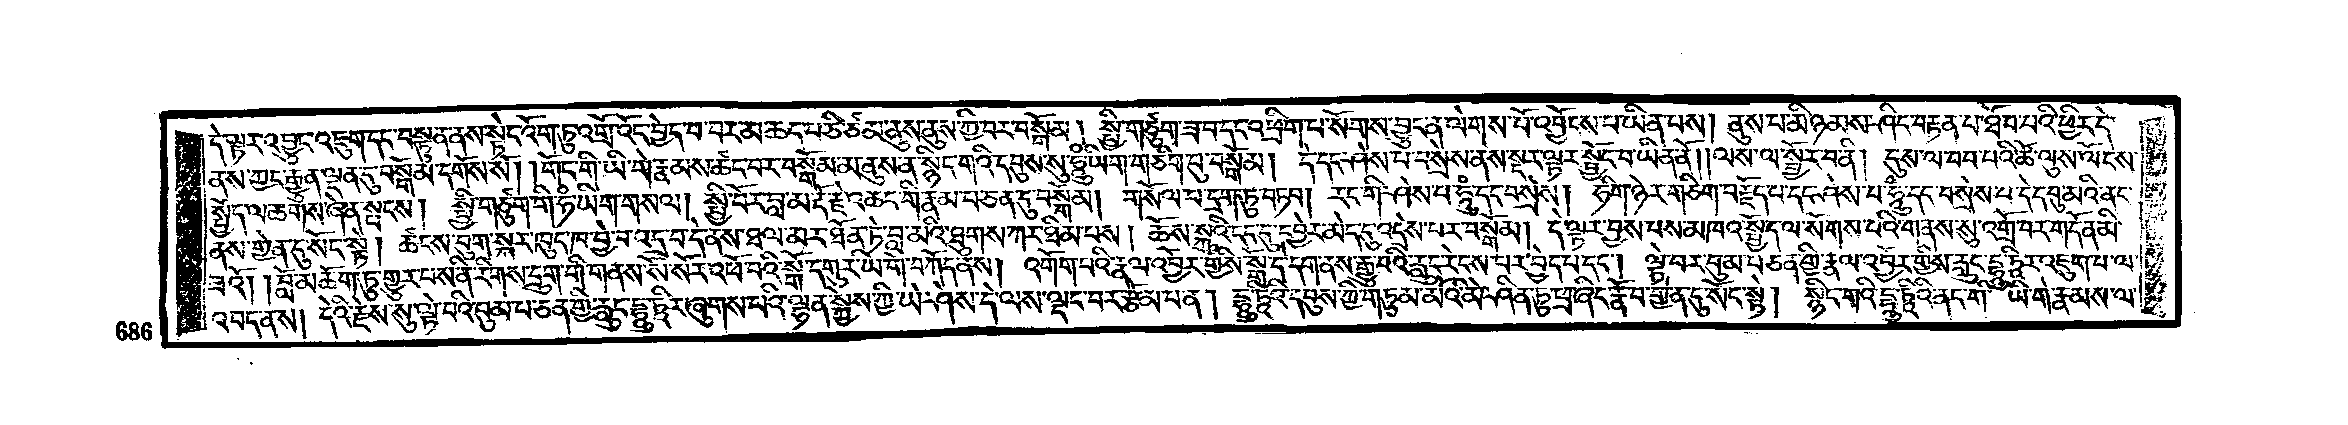དེ་ལྟར་འབྱུང་འཇུག་དང་བསྟུན་ནས་སྟེང་འོག་ཏུ་འགྲོ་འོང་བྱེད་བ་བར་མ་ཆད་པ་ཅི་ཙམ་ནུས་ནུས་ཀྱི་བར་བསྒོམ། སྤྱི་གཙུག་ཟ་བ་དང་འཕྲིག་པ་སོགས་བྱུང་ན་ལེགས་པོ་འབྱོངས་པ་ཡིན་པས། ནུས་པ་མི་ཉམས་ཤིང་བརྟན་པ་ཐོབ་པའི་ཕྱིར་དེ་
ནས་ཀྱང་རྒྱུན་ལྡན་དུ་བསྒོམ་དགོས་སོ། །གོང་གི་ཡི་གེ་རྣམས་ཚང་བར་བསྒོམ་མ་ནུས་ན་སྙིང་གའི་དབུས་སུ་ཧཱུཾ་ཡིག་གཅིག་པུ་བསྒོམ། དེ་དང་ཤེས་པ་བསྲེས་ནས་སྔར་ལྟར་སྦྱོང་བ་ཡིན་ནོ། །ལས་ལ་སྦྱོར་བ་ནི། དུས་ལ་བབ་པའི་ཚེ་ལུས་ལོངས་
སྤྱོད་ལ་ཆགས་ཞེན་སྤངས། སྤྱི་གཙུག་གི་ཧཾ་ཡིག་གསལ། སྤྱི་བོར་བླ་མ་རྡོ་རྗེ་འཆང་གི་རྣམ་པ་ཅན་དུ་བསྒོམ། གསོལ་པ་དྲག་ཏུ་བཏབ། རང་གི་ཤེས་པ་ཧཱུཾ་དང་བསྲེས། ཧིག་ཉེར་གཅིག་བརྗོད་པ་དང་ཤེས་པ་ཧཱུཾ་དང་བསྲེས་པ་དེ་དབུ་མའི་ནང་
ནས་གྱེན་དུ་སོང་སྟེ། ཚངས་བུག་སྐར་ཁུང་ཁ་བྱེ་བ་འདྲ་བ་དེ་ནས་ཐལ་མར་ཐོན་ཏེ་བླ་མའི་ཐུགས་ཀར་ཐིམ་པས། ཆོས་སྐུའི་ངང་དུ་དབྱེར་མེད་དུ་འདྲེས་པར་བསྒོམ། དེ་ལྟར་བྱས་པས་མཁའ་སྤྱོད་ལ་སོགས་པའི་གནས་སུ་འགྲོ་བར་གདོན་མི་
ཟའོ། །བློ་མཆོག་ཏུ་གྱུར་པས་ནི་རིགས་དྲུག་གི་གནས་སོ་སོར་འཕོ་བའི་སྒོ་དགུར་ཡི་གེ་བཀོད་ནས། འགོག་པའི་རྣལ་འབྱོར་གྱིས་སྒོ་དེ་དག་ནས་རྒྱུ་བའི་རླུང་རེངས་པར་བྱེད་པ་དང་། ལྟེ་བར་བུམ་པ་ཅན་གྱི་རྣལ་འབྱོར་གྱིས་རླུང་དྷཱུ་ཏཱིར་འཇུག་པ་ལ་
འབད་ནས། དེའི་རྗེས་སུ་ལྟེ་བའི་བུམ་པ་ཅན་གྱི་རླུང་དྷཱུ་ཏཱིར་ཞུགས་པའི་ལྷན་སྐྱེས་ཀྱི་ཡེ་ཤེས་དེ་ལས་ལྡང་བར་རྩོམ་པ་ན། དྷཱུ་ཏཱིའི་དབུས་ཀྱི་གཏུམ་མོའི་མེ་ཤིན་ཏུ་ཕྲ་ཞིང་རྣོ་བ་གྱེན་དུ་སོང་སྟེ། སྙིང་གའི་དྷཱུ་ཏཱིའི་ནང་གི་ཡི་གེ་རྣམས་ལ་